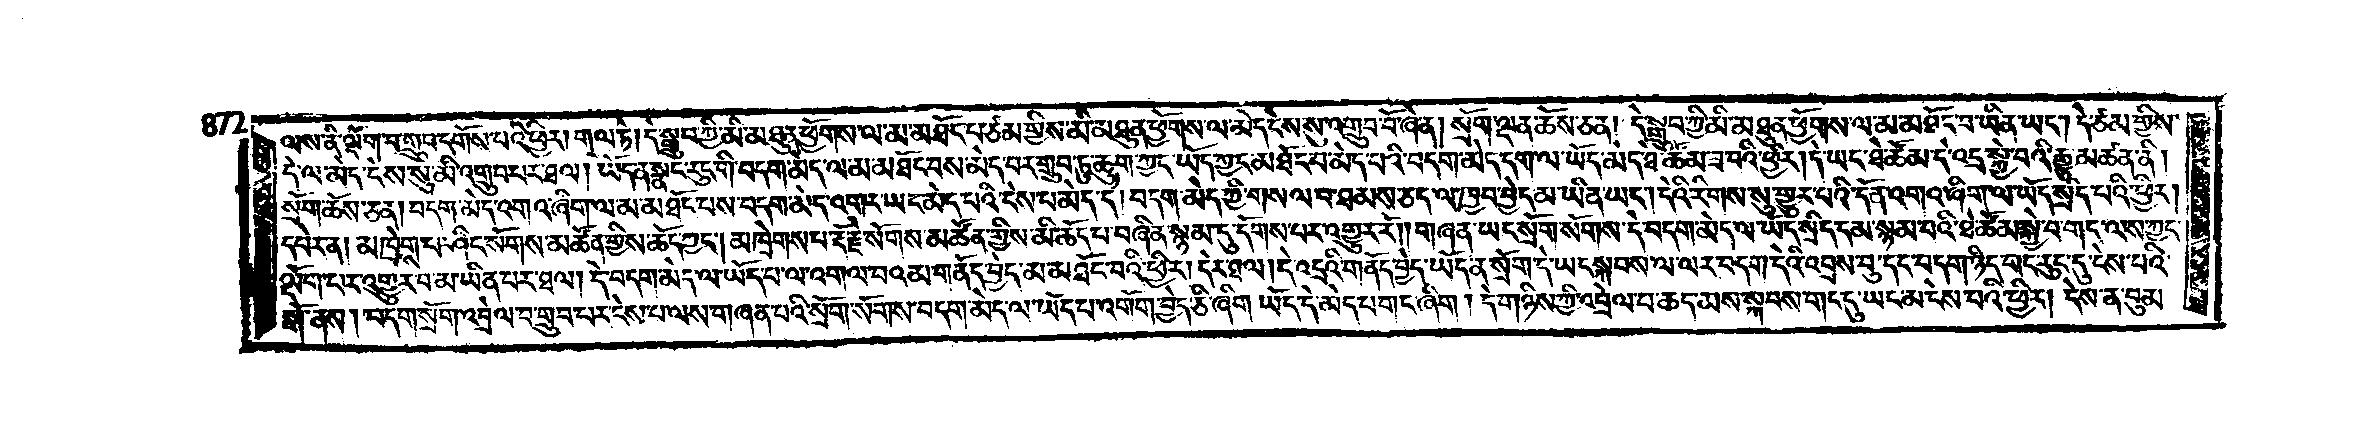ལས་ནི་ལྡོག་པ་གྲུབ་དགོས་པའི་ཕྱིར། གལ་ཏེ། དེ་སྒྲུབ་ཀྱི་མི་མཐུན་ཕྱོགས་ལ་མ་མཐོང་བ་ཙམ་གྱིས་མི་མཐུན་ཕྱོགས་ལ་མེད་ངེས་སུ་འགྲུབ་བོ་ཞེ་ན། སྲོག་ལྡན་ཆོས་ཅན། དེ་སྒྲུབ་ཀྱི་མི་མཐུན་ཕྱོགས་ལ་མ་མཐོང་བ་ཡིན་ཡང་། དེ་ཙམ་གྱིས་
དེ་ལ་མེད་ངེས་སུ་མི་འགྲུབ་པར་ཐལ། ཡོད་ན་སྣང་རུང་གི་བདག་མེད་ལ་མ་མཐོང་བས་མེད་པར་གྲུབ་ཏུ་ཆུག་ཀྱང་ཡོད་ཀྱང་མཐོང་བ་མེད་པའི་བདག་མེད་དག་ལ་ཡོད་མེད་ཐེ་ཚོམ་ཟ་བའི་ཕྱིར། དེ་ཡང་ཐེ་ཚོམ་དེ་འདྲ་སྐྱེ་བའི་རྒྱུ་མཚན་ནི།
སྲོག་ཆོས་ཅན། བདག་མེད་འགའ་ཞིག་ལ་མ་མཐོང་བས་བདག་མེད་འགར་ཡང་མེད་པའི་ངེས་པ་མེད་དེ། བདག་མེད་ཀྱི་གསལ་བ་ཐམས་ཅད་ལ་ཁྱབ་བྱེད་མ་ཡིན་ཡང་། དེའི་རིགས་སུ་གྱུར་བའི་དོན་འགའ་ཞིག་ལ་ཡོད་སྲིད་པའི་ཕྱིར།
དཔེར་ན། མཁྲེགས་པ་ཤིང་སོགས་མཚོན་གྱིས་ཆོད་ཀྱང་། མཁྲེགས་པ་རྡོ་རྗེ་སོགས་མཚོན་གྱིས་མི་ཆོད་པ་བཞིན་སྙམ་དུ་དོགས་པར་འགྱུར་རོ། །གཞན་ཡང་སྲོག་སོགས་དེ་བདག་མེད་ལ་ཡོད་སྲིད་དམ་སྙམ་པའི་ཐེ་ཚོམ་སྐྱེ་བ་གང་ལས་ཀྱང་
ལྡོག་པར་འགྱུར་བ་མ་ཡིན་པར་ཐལ། དེ་བདག་མེད་ལ་ཡོད་པ་ལ་འགལ་བའམ་གནོད་བྱེད་མ་མཐོང་བའི་ཕྱིར། དེར་ཐལ། དེ་འདྲའི་གནོད་བྱེད་ཡོད་ན་སྲོག་དེ་ཡང་སྐབས་ལ་ལར་བདག་དེའི་འབྲས་བུ་དང་བདག་ཉིད་གང་རུང་དུ་ངེས་པའི་
སྒོ་ནས། བདག་སྲོག་འབྲེལ་བ་གྲུབ་པར་ངེས་པ་ལས་གཞན་པའི་སྲོག་སོགས་བདག་མེད་ལ་ཡོད་པ་འགོག་བྱེད་ཅི་ཞིག་ཡོད་དེ་མེད་པ་གང་ཞིག། དེ་གཉིས་ཀྱི་འབྲེལ་བ་ཚད་མས་སྐབས་གང་དུ་ཡང་མ་ངེས་པའི་ཕྱིར། དེས་ན་བུམ་